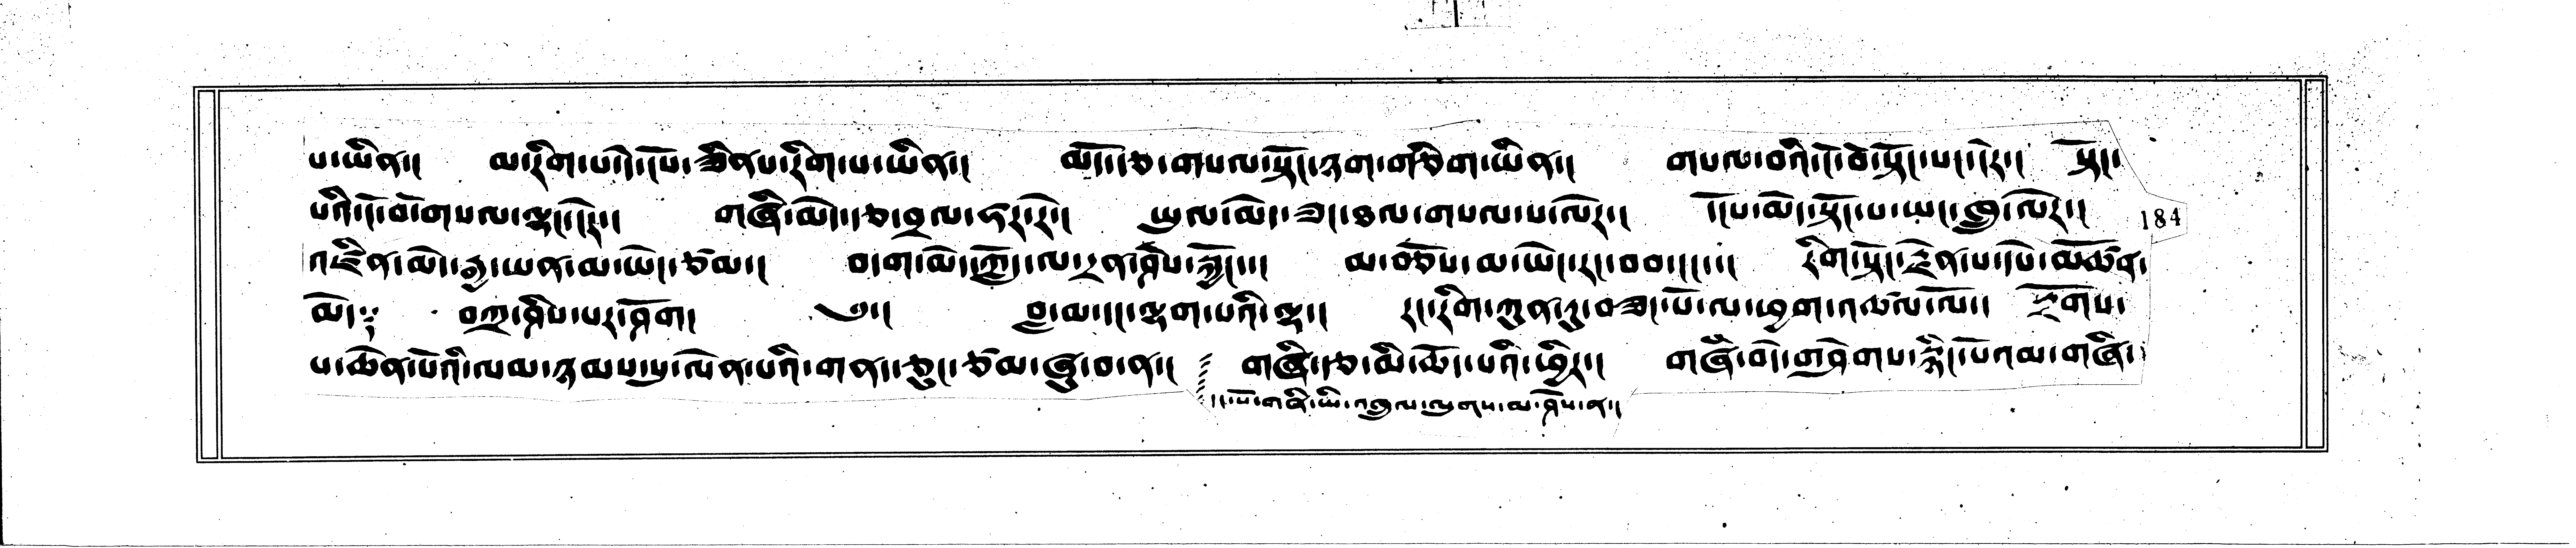པ་ཡིན། མ་རིག་པ་དེ་ངོས་ཟིན་ན་རིག་པ་ཡིན། མདོ་རྩ་གསལ་སྟོང་ཉག་ཅིག་ཡིན། གསལ་བའི་ངོ་བོ་སྟོང་སང་ངེར། སྟོང་
པའི་ངོ་བོ་གསལ་ལྷང་ངེར། གཞི་མེད་རྩ་བྲལ་ཧར་རེ། ཡུལ་མེད་ཟང་ཐལ་གསལ་ས་ལེར། དངོས་མེད་སྟོང་པ་ཡང་ཁྲུ་ལེར། 
འཛིན་མེད་རྒྱ་ཡན་མ་ཡེངས་ཙམ། བདག་མེད་ཀློད་ལ་དྲན་ཤེས་སྐྱོང་། མ་བཅོས་མ་ཡེངས་རང་བབས་ངང་། །རིག་སྟོང་རྗེན་པ་དཔེ་མཚོན་
མེད།། བཀྲ་ཤིས་ཤོག ༄༅།། བླ་མ་དང་ལྷག་པའི་ལྷ། རང་རིག་ཀུན་ཏུ་བཟང་པོ་ལ་ཕྱག་འཚལ་ལོ། རྫོགས་
པ་ཆེན་པོའི་ལམ་ཉམས་སུ་ལེན་པའི་གནད་ཅུང་ཙམ་ཞུ་བ་ན། དང་པོ་གཞི་ཡི་འཁྲུལ་ལུགས་མ་ཤེས་ན། གཞི་རྩ་མི་ཆོད་པའི་ཕྱིར། གཞི་བདེར་གཤེགས་སྙིང་པོའམ་གཞི་